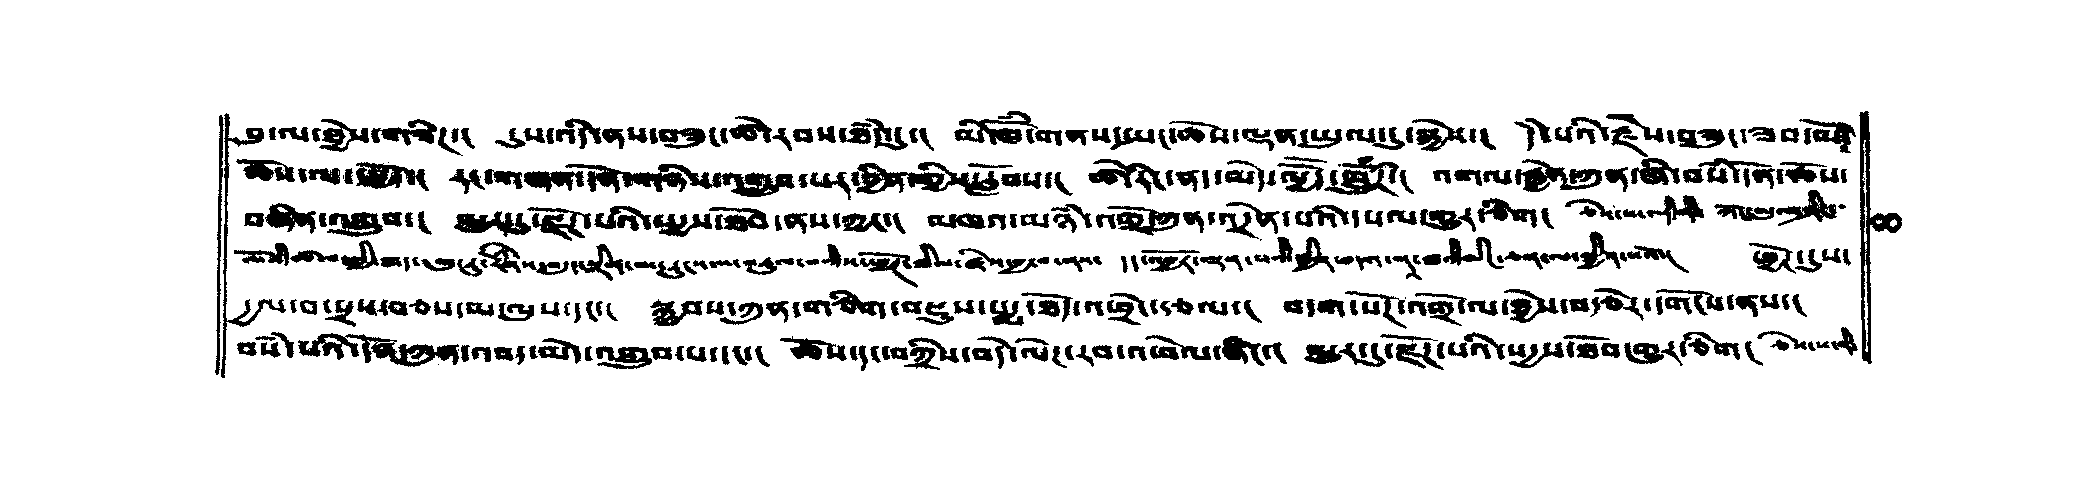བུ་ལ་ཐུགས་རྗེས་གཟིགས། །དུས་འདི་ནས་བཟུང་ཚེ་རབས་ཐམས་ཅད་དུ། །མི་ཁོམས་གནས་སྤངས་ཆོས་ལྡན་ཡུལ་དུ་སྐྱེས། །དམ་པས་རྗེས་བཟུང་ཟབ་མོའི་
ཆོས་ལ་སྤྱོད། །རང་གཞན་དོན་གཉིས་འགྲུབ་པར་བྱིན་གྱིས་རློབས། །ཚེ་རིང་ནད་མེད་ལོངས་སྤྱོད་ཕུན་སུམ་ཚོགས། །འགལ་རྐྱེན་ཀུན་ཞི་བསམ་དོན་ཆོས་
བཞིན་འགྲུབ་། །མྱུར་དུ་རྫོགས་པའི་སངས་རྒྱས་ཐོབ་ནས་ཀྱང་། །མཁའ་མཉམ་འགྲོ་ཀུན་འདྲེན་པའི་དཔལ་གྱུར་ཅིག ཅེས་པ་འདི་ནི། ཀོང་ཡུལ་ཤིང་
ལོའི་ཚལ་གྱི་ཐད་གུ་རུ་རིན་པོ་ཆེས་བདུད་སྲིན་མ་རུངས་པ་བཏུལ་བའི་ས་ཕྱོགས་ཐིལ་ཞེས་བྱ་བ་ནས། དད་འབྱོར་ལྡན་པའི་སྦྱིན་བདག་ནཱ་ཐའི་མིང་ཅན་ལ་སྦྱིན་པའོ། ཕྱོགས་དུས་
རྒྱལ་བ་སྲས་བཅས་མ་ལུས་དང་། །སྐྱབས་ཀུན་གཅིག་བསྡུས་པདྨ་ཐོད་འཕྲེང་རྩལ། །བདག་སོགས་འགྲོ་ལ་ཐུགས་རྗེས་བརྩེར་དགོངས་ནས། །
བསམ་པའི་དོན་ཀུན་འབད་མེད་འགྲུབ་པ་དང་། །ཆོས་དང་བཀྲ་ཤིས་བདེ་ལེགས་རབ་འཕེལ་ཞིང་། །མྱུར་དུ་རྫོགས་པའི་སངས་རྒྱས་ཐོབ་གྱུར་ཅིག།ཅེས་པ་ནི་